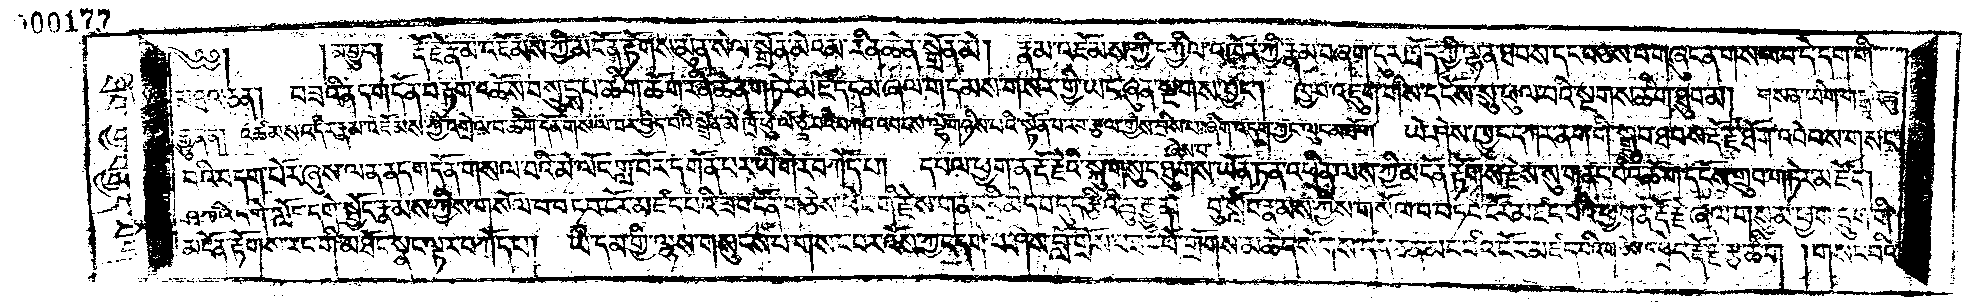༄༅། །མ་བྱུང་།  རྡོ་རྗེ་རྣམ་འཇོམས་ཀྱི་མངོན་རྟོགས་མུན་སེལ་སྒྲོན་མེའམ་རིན་ཆེན་སྒྲོན་མེ། རྣམ་འཇོམས་ཀྱི་དཀྱིལ་འཁོར་གྱི་རྣམ་བཞག་དུར་ཁྲོད་ཀྱི་ལྷན་ཐབས་དང་བཅས་པ་གཞུང་ན་གསལ་བ་དེ་དག་གི་
མཐའ་ཅན། བཟའི་ནད་གདོན་བརྟག་འཆོས་བསྲུངས་པ་ཚིག་ཆོག་རིན་ཆེན་གཏེར་མཛོད་དམ་ཞལ་གདམས་གསར་གྱི་ཡང་ཞུན་སྔགས་བྱུང་། ཁྱབ་འཇུག་གིས་དངོས་སུ་ཕུལ་བའི་སྔགས་ཚིག་ཐུབ་མ། གསན་ཡིག་གངྒཱའི་ཆུ་
རྒྱུན་ན། འཚམས་འདིར་རྣམ་འཇོམས་ཀྱི་འགྲེལ་བ་ཚིག་དོན་གསལ་བར་བྱེད་བའི་སྒྲོན་མེ་ཁྲོ་ཕུ་ལོ་ཙྪ་བའི་བཀའ་འབངས་ལྷོ་གཉིས་པའི་སྟོན་པ་རབ་རྩལ་གྱིས་བྲིས་པ་ཞེས་པ་ཞིག་འདུག་ཀྱང་ལུང་མ་ཐོབ། ཡེ་ཤེས་ཁྱུང་དཀར་ནག་གི་སྒྲུབ་ཐབས་རྡོ་རྗེ་ཐོག་འབེབས་གསང་
བའི་བདག་པོར་ཞུས་ལན་ནད་གདོན་གསལ་བའི་མེ་ལོང་གླ་བོར་དགོན་པར་ཡི་གེར་བཀོད་པ། དཔལ་ཕྱག་ན་རྡོ་རྗེའི་སྐུ་གསུང་ཐུགས་ཡོན་ཏན་འཕྲིན་ལས་ཀྱི་མངོན་རྟོགས་རྗེས་སུ་གནང་བའི་ཚིག་དངོས་གྲུབ་གཏར་མཛོད།
ཤཱཀྱའི་དགེ་སློང་དགེ་སྦྱོང་རྣམས་ཀྱིས་གསོལ་བ་བཏབ་ངོར་མཛད་པའི་ཟབ་དོན་གཅེས་ཕྲེང་གི་རྗེས་གནང་དྲི་མེད་བདུད་རྩིའི་ཆུ་རྒྱུན། བུ་སློབ་རྣམས་ཀྱིས་གསོལ་བ་བཏབ་ངོར་མཛད་པའི་ཕྱག་ན་རྡོ་རྗེ་ཞལ་གསུམ་ཕྱག་དྲུག་གི་
མངོན་རྟོགས་རང་གི་མཐོང་སྣང་ལྟར་བཀོད་པ། ཡི་དམ་གྱི་ལྷས་གསུངས་པ་གསང་བར་འོས་ཀྱང་དགེ་བཤེས་བློ་གྲོས་བཟང་པོ་གྲོགས་མཆེད་སོགས་དད་ཅན་མང་བའི་ངོར་མཛད་པའི་གཅེས་འཕྲེང་རྡོ་རྗེ་རྩ་ཚིག །གསང་བའི་